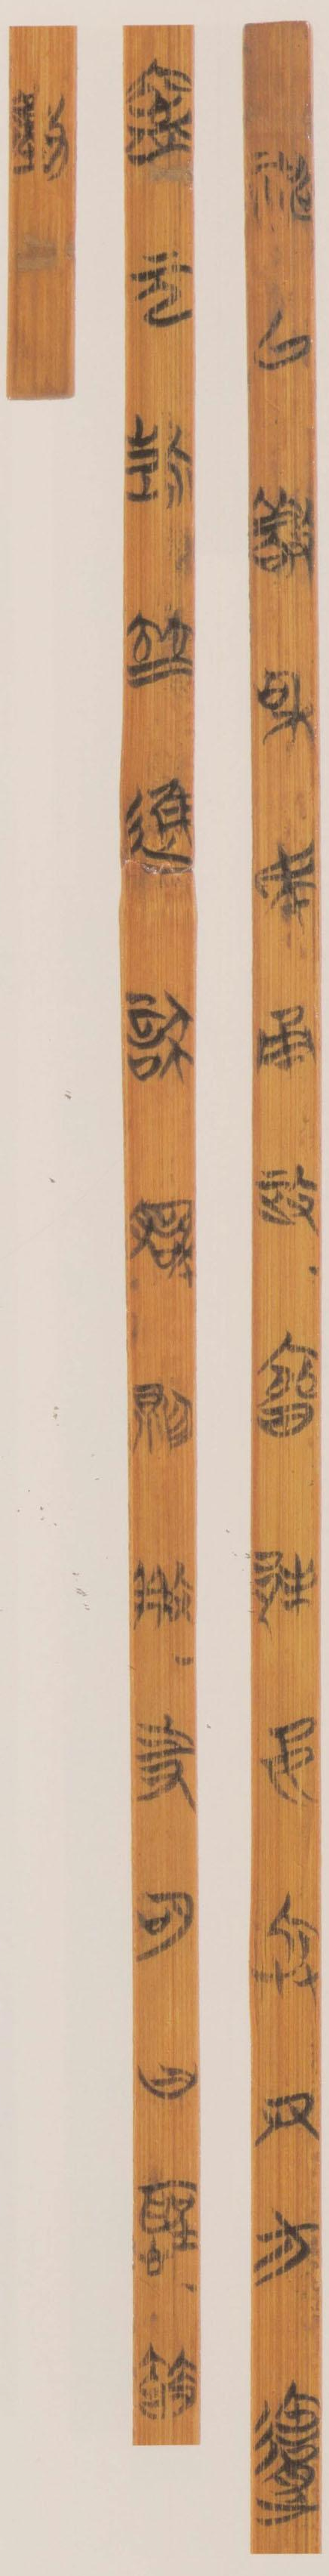神㠯（以）敬和民甬政{宀留}邦妟兵四方達{穴心皿}元折並進{言䖵}䌛則{并攴}寺名曰{耳呈心}昔勤
